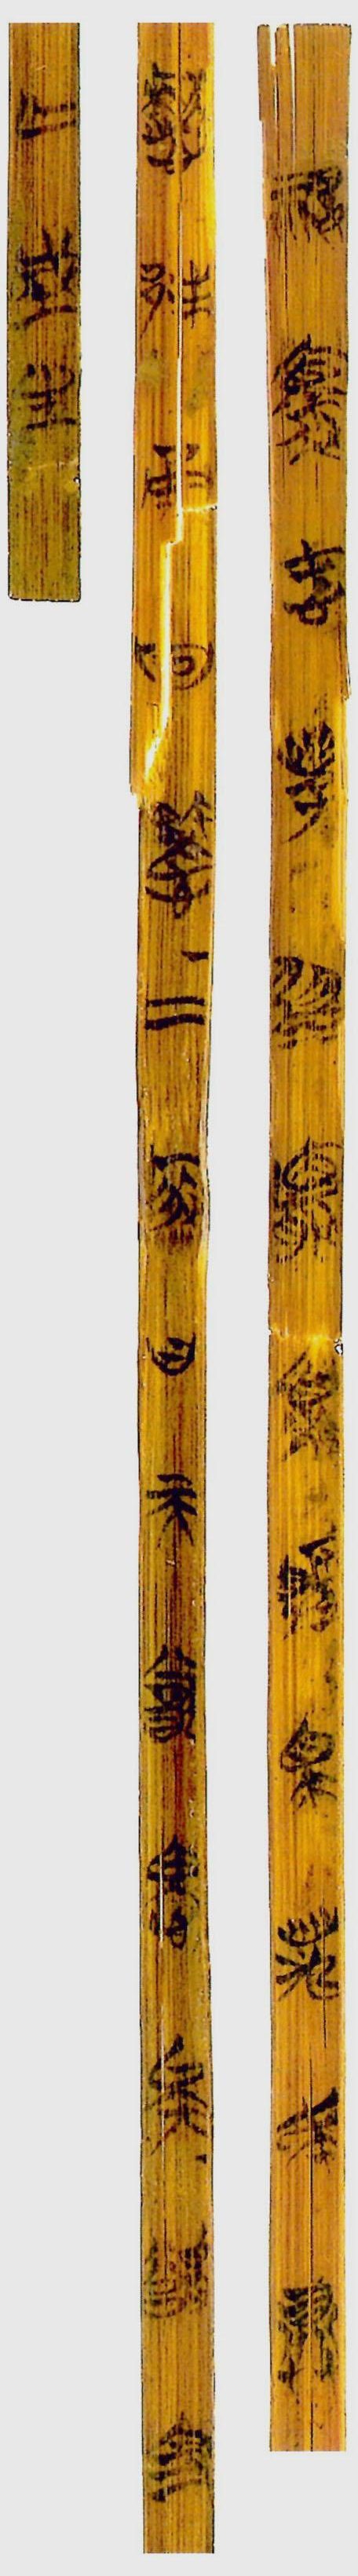禝褱{才心}{幽子}溺{𣎆角}寡（寡）{見巠}蜀萬民具{來臼犬心}邦甬昌{竹惪}二{戶攴}（啟）曰天猶畏矣豫命亡成生
